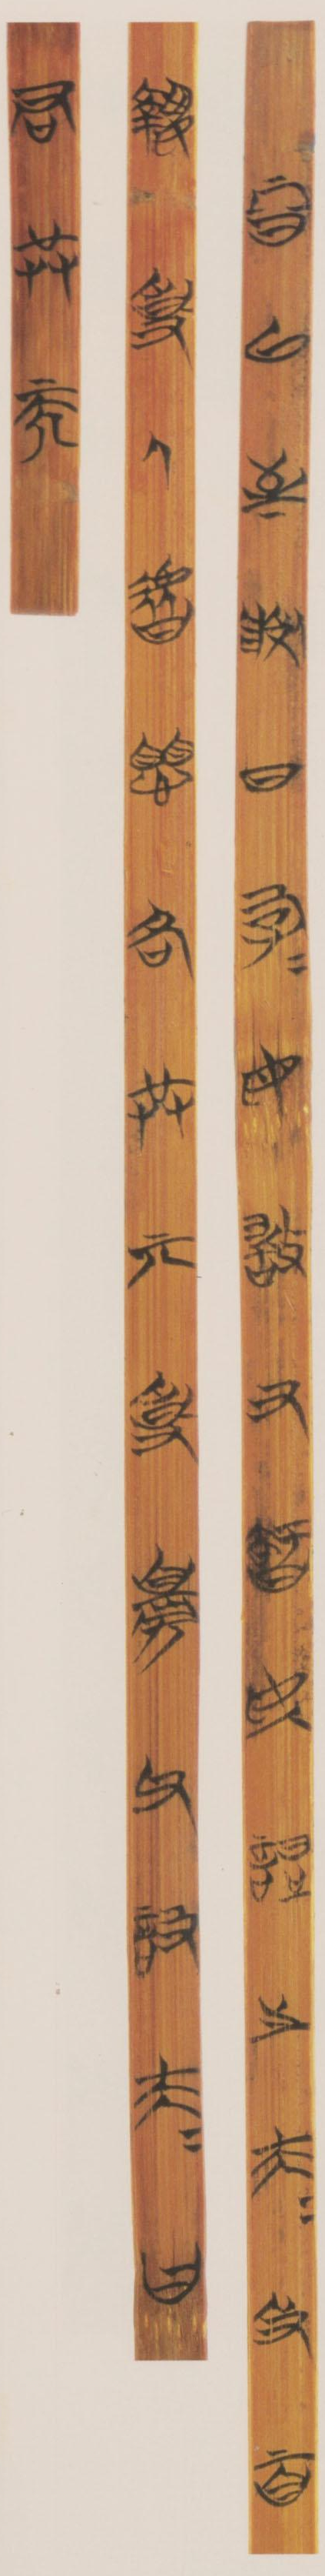{几日}㠯（以）至{爿死}日乳=母敢又智𡚦{言豆}之夫=及百執事人{虍皆}{䀠心}各共亓事臱父{言𠃌又}夫=曰君共而
